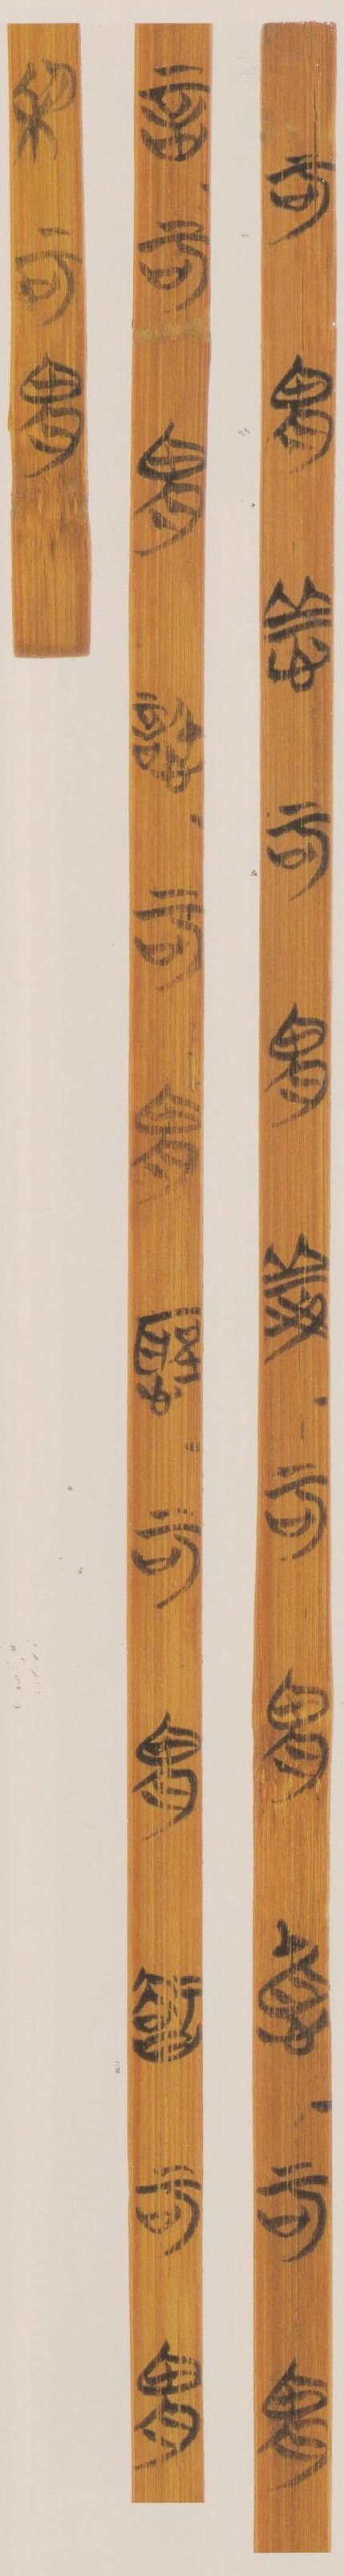可胃恙可胃義可胃惪可胃音可胃{言千心}可胃{耳呈心}可胃智可胃利可胃
